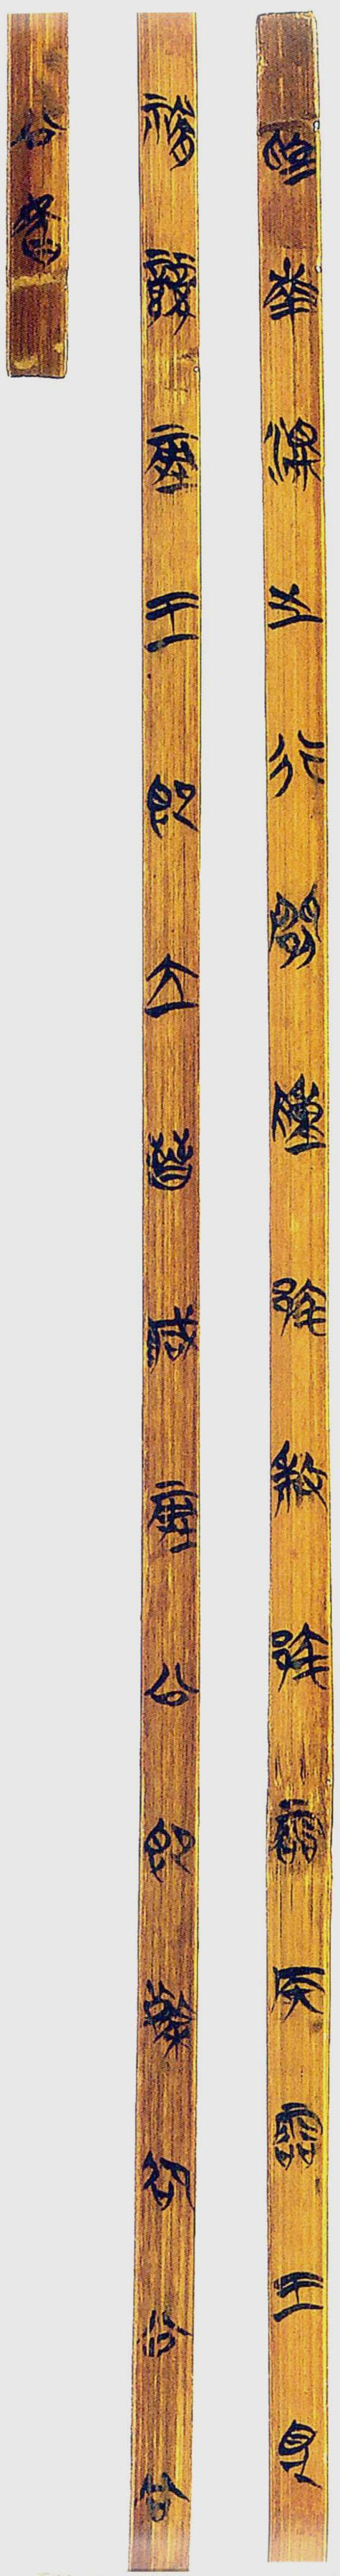爲南{水眔}之行{門夕刀}陳○（蔡）殺○（蔡）霝侯霝王見禍競坪王即立晉戕坪公即殜卲（昭）公冋公{虍皆}
